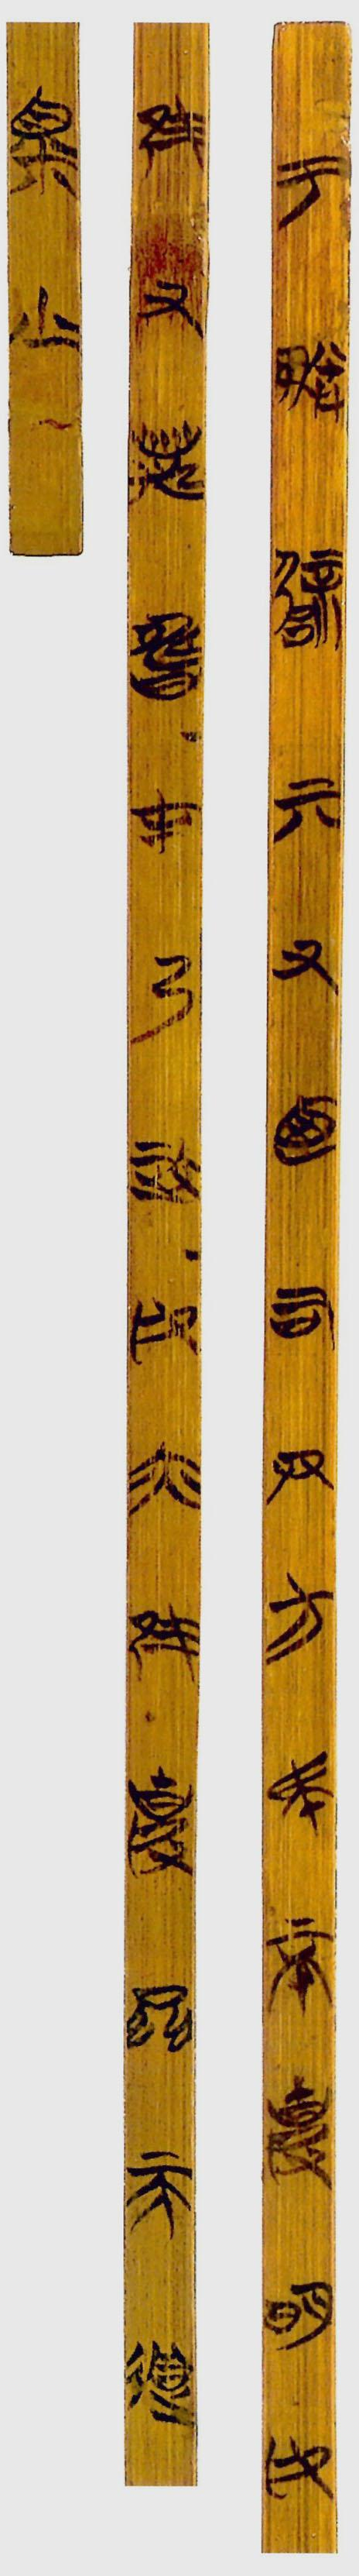于朕辟亓又廼司四方民不尅明女隹又萬𠷎才乃政女亦隹尅㬎天迵眔少
